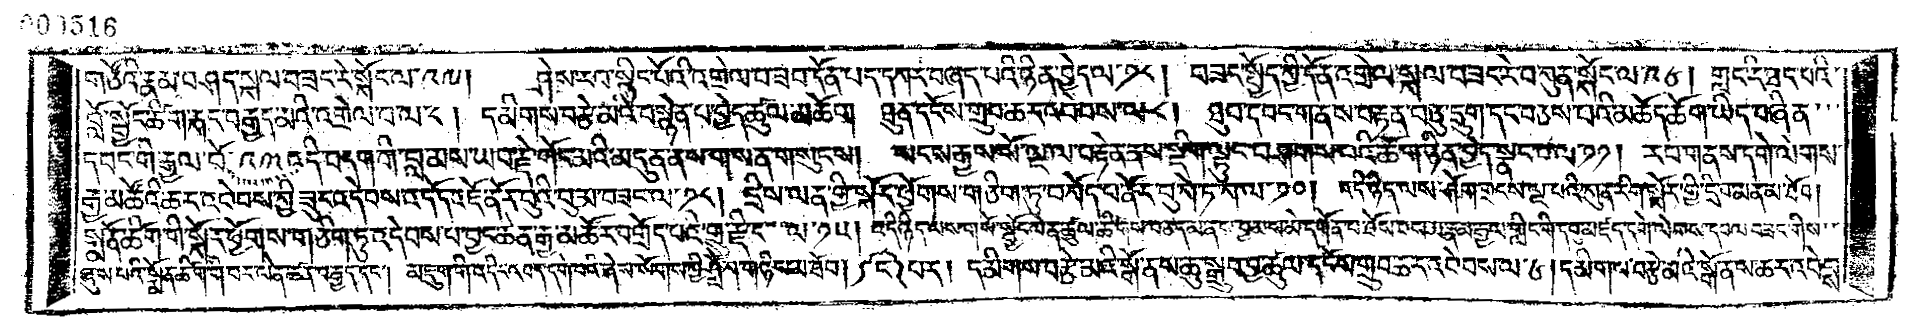གཙོའི་རྣམ་བཤད་སྐལ་བཟང་རེ་སྐོང་ལ ༢༧། ཤེས་རབ་སྙིང་པོའི་འགྲེལ་བ་ཟབ་དོན་པད་དཀར་བཞད་པའི་ཉིན་བྱེད་ལ ༡༨། བཟང་སྤྱོད་ཀྱི་དོན་འགྲེལ་སྐལ་བཟང་རེ་བ་ཀུན་སྐོང་ལ ༩༦། གླང་རི་ཐད་པའི་
བློ་སྦྱོང་ཚིག་རྐང་བརྒྱད་མའི་འགྲེལ་བ་ལ ༨། དམིགས་བརྩེ་མའི་བསྙེན་པ་བྱེད་ཚུལ་མཆོག་ཐུན་དངོས་གྲུབ་ཆར་འབེབས་ལ ༨། ཐུབ་དབང་གནས་བརྟན་བཅུ་དྲུག་དང་བཅས་པའི་མཆོད་ཆོག་ཡིད་བཞིན་
དབང་གི་རྒྱལ་པོ་འདི་བདག་གི་བླ་མས་ཡབ་རྗེ་གོང་མའི་མདུན་ནས་གསན་གསུངས། སངས་རྒྱས་སོ་ལྔ་ལ་བརྟེན་ནས་སྡིག་ལྟུང་བཤགས་པའི་ཆོ་ག་ཉིན་བྱེད་སྣང་བ་ལ ༡༡། རབ་གནས་དགེ་ལེགས་
རྒྱ་མཚོའི་ཆར་འབེབས་ཀྱི་ཟུར་འདེབས་འདོད་འཇོ་ནོར་བུའི་བུམ་བཟང་ལ ༡༨། དྲིས་ལན་གྱི་སྐོར་ཕྱོགས་གཅིག་ཏུ་བཀོད་པ་ནོར་བུ་ཀེ་ཏ་ཀ་ལ ༡༠། འདི་ཉིད་ལས་ཤོག་གྲངས་ལྔ་པའི་ཀུན་རིག་སྐོར་གྱི་དྲི་བ་མན་མ་ཐོབ།
སྨོན་ཚིག་གི་སྐོར་ཕྱོགས་གཅིག་ཏུ་འདེབས་པ་བྱང་ཆེན་རྒྱ་མཚོར་བགྲོད་པའི་གྲུ་རྫིང་ལ ༡༥། འདི་ཉིད་ལས་གསོ་སྦྱོང་ལེན་ཚུལ་ཚིགས་བཅད་མ་ནས་བྱམས་མེ་དགོན་པ་ཐོས་བསམ་རྣམ་རྒྱལ་གླིང་གི་དབུ་མཛད་དགེ་ལེགས་དཔལ་བཟང་གིས་
ཞུས་པའི་སྨོན་ཚིག་གི་བར་ལེན་ཚན་བརྒྱད་དང་། མཇུག་གི་འདིར་འབད་དགེ་བའི་ཞེས་སོགས་ཀྱི་ཤླཽ་ཀ་གཉིས་མ་ཐོབ། ༼ང༽ པར། དམིགས་བརྩེ་མའི་སྒོ་ནས་ཆུ་སྒྲུབ་བྱ་ཚུལ་དངོས་གྲུབ་ཆར་འབེབས་ལ ༦། དམིགས་བརྩེ་མའི་སྒོ་ནས་ཆར་འབེབས་